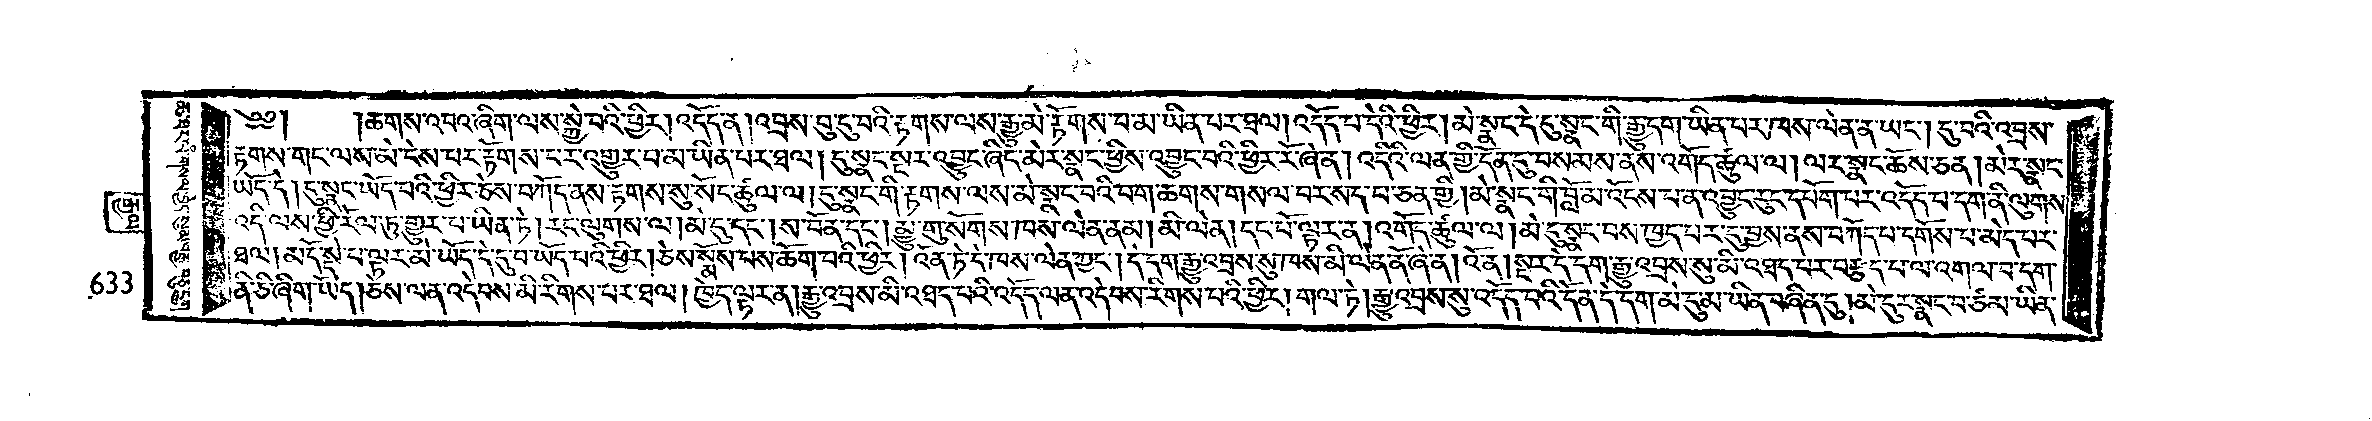༄༅། །ཆགས་འབའ་ཞིག་ལས་སྐྱེ་བའི་ཕྱིར། འདོད་ན། འབྲས་བུ་དུ་བའི་རྟགས་ལས་རྒྱུ་མེ་རྟོགས་པ་མ་ཡིན་པར་ཐལ། འདོད་པ་དེའི་ཕྱིར། མེ་སྣང་དེ་དུ་སྣང་གི་རྒྱུ་དག་ཡིན་པར་ཁས་ལེན་ན་ཡང་། དུ་བའི་འབྲས་
རྟགས་གང་ལས་མེ་ངེས་པར་རྟོགས་པར་འགྱུར་བ་མ་ཡིན་པར་ཐལ། དུ་སྣང་སྔར་འབྱུང་ཞིང་མེར་སྣང་ཕྱིས་འབྱུང་བའི་ཕྱིར་རོ་ཞེ་ན། འདིའི་ལན་གྱི་དོན་དུ་བསམས་ནས་འགོད་ཚུལ་ལ། ལར་སྣང་ཆོས་ཅན། མེར་སྣང་
ཡོད་དེ། དུ་སྣང་ཡོད་པའི་ཕྱིར་ཅེས་བཀོད་ནས་རྟགས་སུ་སོང་ཚུལ་ལ། དུ་སྣང་གི་རྟགས་ལས་མེ་སྣང་བའི་བག་ཆགས་གསལ་བར་སད་པ་ཅན་གྱི། མེ་སྣང་གི་བློ་མ་འོངས་པ་ན་འབྱུང་རུང་དཔོག་པར་འདོད་པ་དག་ནི་ལུགས་
འདི་ལས་ཕྱི་རོལ་ཏུ་གྱུར་པ་ཡིན་ཏེ། རང་ལུགས་ལ། མེ་དུ་དང་། ས་བོན་དང་། མྱུ་གུ་སོགས་ཁས་ལེན་ནམ། མི་ལེན། དང་པོ་ལྟར་ན། འགོད་ཚུལ་ལ། མེ་དུ་སྣང་བས་ཁྱད་པར་དུ་བྱས་ནས་བཀོད་པ་དགོས་པ་མེད་པར་
ཐལ། མདོ་སྡེ་པ་ལྟར་མེ་ཡོད་དེ་དུ་བ་ཡོད་པའི་ཕྱིར། ཅེས་སྨོས་པས་ཆོག་པའི་ཕྱིར། འོན་ཏེ་དེ་ཁས་ལེན་ཀྱང་། དེ་དག་རྒྱུ་འབྲས་སུ་ཁས་མི་ལེན་ནོ་ཞེ་ན། འོ་ན། སྔར་དེ་དག་རྒྱུ་འབྲས་སུ་མི་འཐད་པར་བརྩད་པ་ལ་འགལ་བ་དག་
ནི་ཅི་ཞིག་ཡོད། ཅེས་ལན་འདེབས་མི་རིགས་པར་ཐལ། ཁྱེད་ལྟར་ན། རྒྱུ་འབྲས་མི་འཐད་པའི་འདོད་ལན་འདེབས་རིགས་པའི་ཕྱིར། གལ་ཏེ། རྒྱུ་འབྲས་སུ་འདོད་པའི་དོན་དེ་དག་མེ་དུ་མ་ཡིན་བཞིན་དུ། མེ་དུར་སྣང་བ་ཙམ་ཡིན་